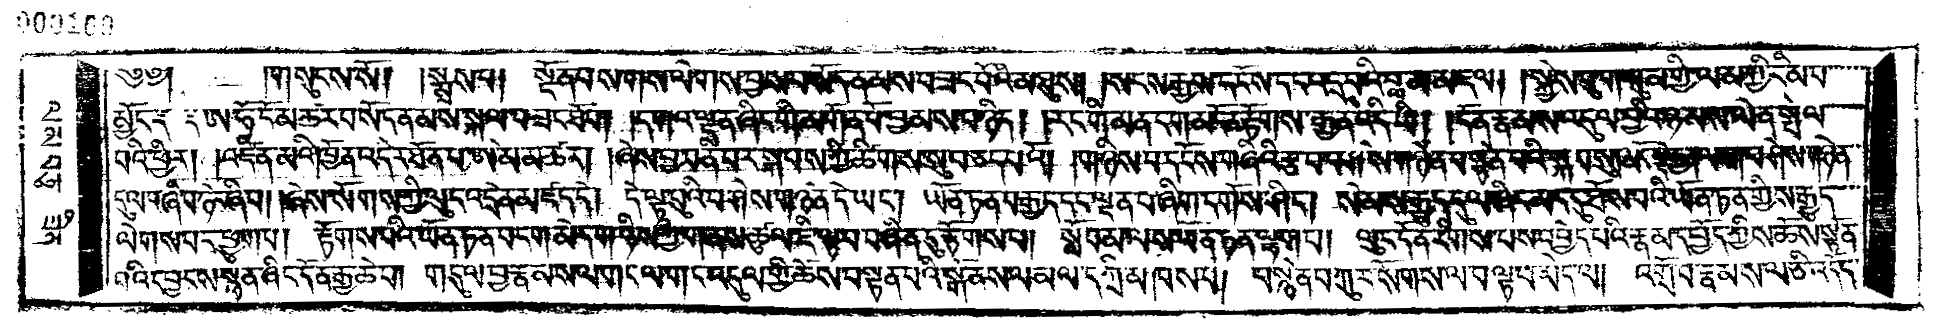༄༅། །གསུངས་སོ། །སྨྲས་པ། སྔོན་བསགས་ལེགས་བྱས་བསོད་ནམས་བཟང་པོའི་མཐུས། །སངས་རྒྱས་དངོས་དང་འདྲ་བའི་བླ་མ་མཇལ། །སྐྱེས་བུ་གསུམ་གྱི་ལམ་གྱི་རིམ་པ་
མྱོང༑ ༑ཨ་ཧོ་ངོ་མཚར་བསོད་ནམས་སྐལ་བཟང་ཐོབ། །དགའ་ལྡན་ཞིང་གི་མགོན་པོ་བྱམས་པ་ཉིད། །རང་གི་མན་ངག་མངོན་རྟོགས་རྒྱན་འདི་ཡི། །དོན་རྣམས་འདུལ་བྱའི་ཉམས་ལེན་སྤེལ་
བའི་ཕྱིར། །འཛིན་མའི་ཁྱོན་འདིར་ཐོན་པ་ཨེ་མ་མཚར། །ཞེས་བྱ་བ་ནི་བར་སྐབས་ཀྱི་ཚིགས་སུ་བཅད་པའོ། །གཉིས་པ་དངོས་གཞིའི་རྩ་བ་བཤེས་གཉེན་བསྟེན་པའི་སྐབས་སུ། མདོ་སྡེ་རྒྱན་ལས། བཤེས་གཉེན་
དུལ་བ་ཞི་བ་ཉེར་ཞི་བ། །ཞེས་སོགས་ཀྱི་ལུང་འདྲེན་མཛད་དེ། དེ་ལྟ་བུའི་བཤེས་གཉེན་དེ་ཡང་། ཡོན་ཏན་བརྒྱད་དང་ལྡན་པ་ཞིག་དགོས་ཤིང་། སེམས་རྒྱུད་དུལ་ཞིང་མང་དུ་ཐོས་པའི་ཡོན་ཏན་གྱིས་རྒྱུད་
ལེགས་པར་ཕྱུག་པ། རྟོགས་པའི་ཡོན་ཏན་བདག་མེད་གཉིས་ཀྱི་གནས་ཚུལ་ཇི་ལྟ་བ་བཞིན་དུ་རྟོགས་པ། སློབ་མ་ལས་ཡོན་ཏན་ལྷག་པ། ལུང་དོན་རིགས་པས་འབྱེད་པའི་རྣམ་དཔྱོད་ཀྱིས་ཆོས་སྟོན་
པའི་དབྱངས་སྙན་ཞིང་དོན་རྒྱ་ཆེ་བ། གདུལ་བྱ་རྣམས་ལ་གང་ལ་གང་འདུལ་གྱི་ཆོས་བཏན་པའི་སྒོམ་ལམ་ལ་དཀྲི་མཁས་པ། བསྙེན་བཀུར་སོགས་ལ་བལྟ་བ་མེད་ལ། འགྲོ་བ་རྣམས་ལ་ཅི་འདོད་